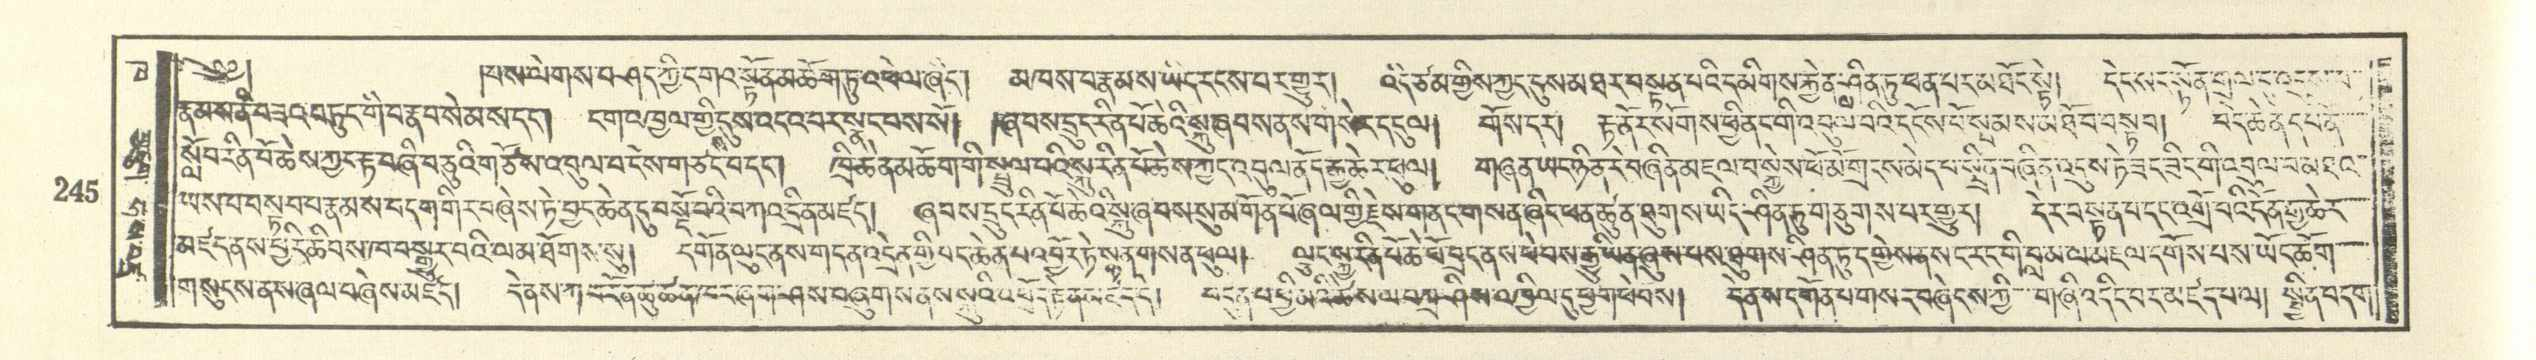༄༅། །པས་ལེགས་བཤད་ཀྱི་དགའ་སྟོན་མཆོག་ཏུ་འཕེལ་ཞིང་། མཁས་པ་རྣམས་ཡིད་རངས་པར་གྱུར། འདི་ཙམ་གྱིས་ཀྱང་དུས་མཐར་བསྟན་པའི་དམིགས་རྐྱེན་ཤིན་ཏུ་ཕན་པར་མཐོང་སྟེ། དེང་སང་སྟོན་གྲལ་དུ་འདུས་པ་
རྣམས་ནི་བཟའ་བཏུང་གི་བརྣབ་སེམས་དང་། ངག་འཁྱལ་གྱི་དུས་འདའ་བར་སྣང་བས་སོ། །ཞབས་དྲུང་རིན་པོ་ཆེའི་སྐུ་ཞབས་ནས་གསེར་དངུལ། གོས་དར། རྟ་ནོར་སོགས་ཕྱི་ནང་གི་འབུལ་པའི་དངོས་པོ་སྤམས་མཐོབ་བསྟབ། བདེ་ཆེན་དཔོན་
སློབ་རིན་པོ་ཆེས་ཀྱང་རྟ་བཞི་བཅུའི་གཙོས་འབུལ་བ་ངེས་གཙང་བ་དང་། ཁྲི་ཆེན་མཆོག་གི་སྤྲུལ་པའི་སྐུ་རིན་པོ་ཆེས་ཀྱང་འབུལ་ནོད་རྒྱ་ཆེར་ཕུལ། གཞན་ཡང་ཉིན་རེ་བཞིན་མཇལ་བ་སྐྱེས་ཕོ་མོ་གྲངས་མེད་པ་སྤྲིན་བཞིན་འདུས་ཏེ་ཟང་ཟིང་གི་འབུལ་བ་མཐའ་
ཡས་པ་བསྟབ་པ་རྣམས་བདག་གིར་བཞེས་ཏེ་བྱང་ཆེན་དུ་བསྔོ་བའི་བཀའ་དྲིན་མཛད། ཞབས་དྲུང་རིན་པོ་ཆེའི་སྐུ་ཞབས་སུ་མགོན་པོ་ཞལ་གྱི་རྗེས་གནང་གསན་ཞིང་ཕན་ཚུན་ཐུགས་ཡིད་ཤིན་ཏུ་གཅུགས་པར་གྱུར། དེར་བསྟན་པ་དང་འགྲོ་བའི་དོན་རྒྱ་ཆེར་
མཛད་ནས་ཕྱིར་ཆིབས་ཁ་བསྒྱུར་བའི་ལམ་ཐོགས་སུ། དགོན་ལུང་ནས་གདན་འདྲེན་གྱི་བང་ཆེན་པ་འབྱོར་ཏེ་སྙན་གསན་ཕུལ། ལྕང་སྐྱ་རིན་པོ་ཆེ་ཕོ་བྲང་ནས་ཕེབས་རྒྱུ་ཡིན་ཞུས་པས་ཐུགས་ཤིན་ཏུ་དགྱེས་ནས་ང་རང་གི་བླ་མ་ལ་མཇལ་དགོས་པས་ཡོད་ཆོག་
གསུངས་ནས་ཞལ་བཞེས་མཛད། དེ་ནས་ཀབ་རོན་ཆུ་ཚན་ཁར་ཞག་ཤས་བཞུགས་ནས་སྐུའི་འཕྲོད་རྟེན་མཛད་དེ། བདུན་པ་ཕྱི་མའི་ཚེས་ལ་བཀྲ་ཤིས་འཁྱིལ་དུ་ཕྱག་ཕེབས། དེ་ནས་དགོན་པ་གསང་བཞེངས་ཀྱི་གཞི་འདིང་བར་མཛད་པ་ལ། སྦྱིན་བདག་